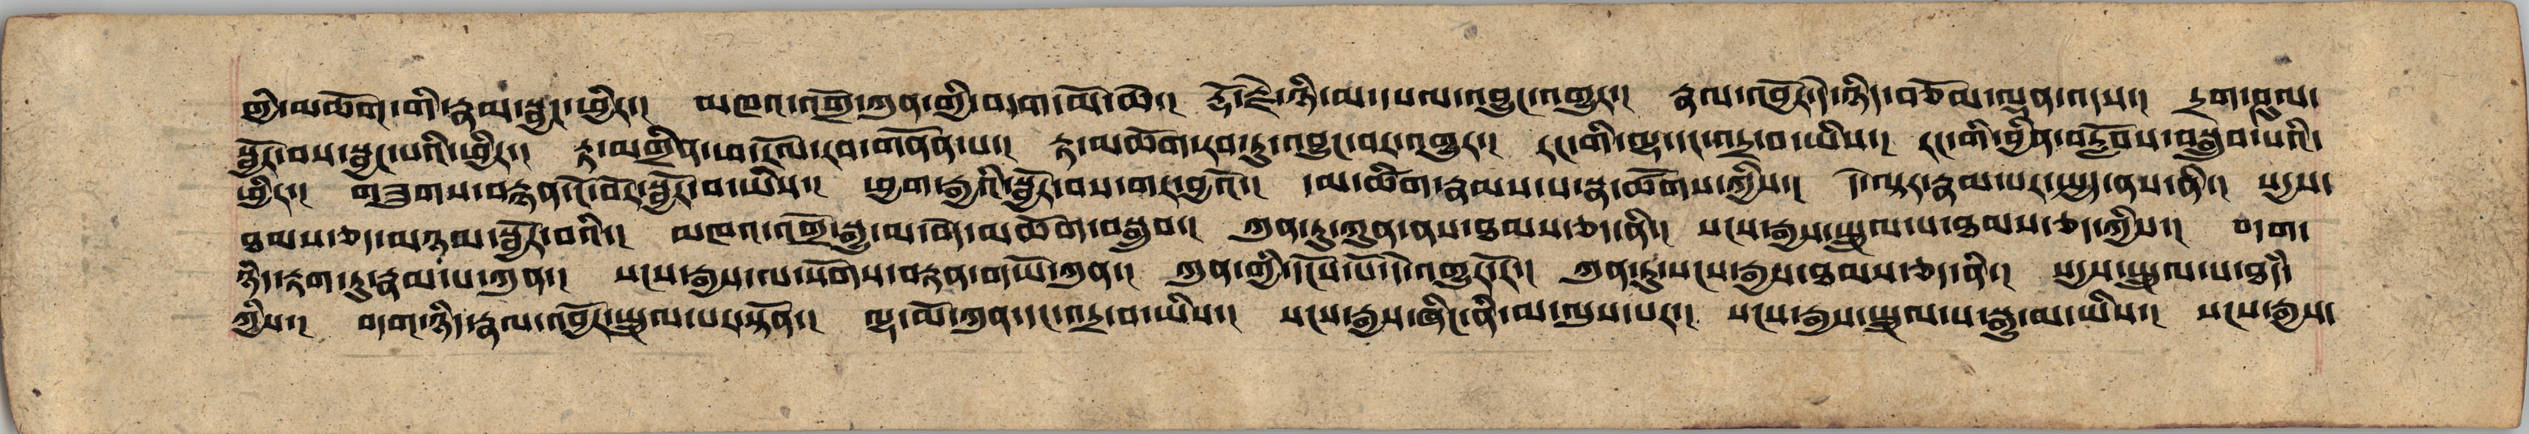གྱི་མཆོག་གི་རྣམ་སྦྱང་ཕྱིར་། མཁའ་འགྲོ་ཀུན་གྱི་བདག་མོ་ཆེ། རྡོ་རྗེ་ཉི་མ་དཔལ་འབྱུང་འགྱུར་། རྣལ་འབྱོར་དེ་ཉིད་བཅོམ་ལྡན་འདས་། དྲག་ཤུལ་
སྦྱོར་བས་སྦྱང་པའི་ཕྱིར་། རྟ་མགྲིན་ཕ་རོལ་རབ་གནོན་པ་། རྟ་མཆོག་རབ་ཏུ་འབྱུང་བར་འགྱུར་། རང་གི་ལྷ་དང་འདྲ་བ་ཡིས་། རང་གི་བྱིན་བརློབས་བསྒྲུབ་པའི་
ཕྱིར་། གཟུགས་བརྙན་ངོ་བོ་སྦྱོར་བ་ཡིས་། ཕྱག་རྒྱའི་སྦྱོར་བས་གར་བྱའོ་། དམ་ཚིག་རྣམས་པ་སྣ་ཚོགས་ཀྱིས་། དེ་ལྟར་རྣམ་པར་སྤྱད་ནས་ནི་། སདྱས་
ཐམས་ཅད་མཉམ་སྦྱོར་བའི་། མཁའ་འགྲོ་སྒྱུ་མ་བདེ་མཆོག་བསྒྲུབ་། ཀུན་ཏུ་ཀུན་ནས་ཐམས་ཅད་ནི་། སངས་རྒྱས་སྤྲུལ་པ་ཐམས་ཅད་ཀྱིས་། བདག་
ཉིད་རྟག་ཏུ་རྣམ་པ་ཀུན་། སངས་རྒྱས་ལ་སོགས་བརྟན་གཡོ་ཀུན་། ཀུན་གྱི་དངོས་པོ་དེ་འགྱུར་རོ་། ཀུན་ཏུ་སངས་རྒྱས་ཐམས་ཅད་ནི་། སདྱས་སྤྲུལ་པ་ཐཾད་
ཀྱིས་། བདག་ཉིད་རྣལ་འབྱོར་སྤྲུལ་པར་སྟོན་། ལྷ་མོ་ཀུན་དང་འདྲ་བ་ཡིས་། སངས་རྒྱས་ཞིང་ནི་མ་ལུས་པར་། སངས་རྒྱས་སྤྲུལ་པ་སྒྱུ་མ་ཡིས་། སངས་རྒྱས་